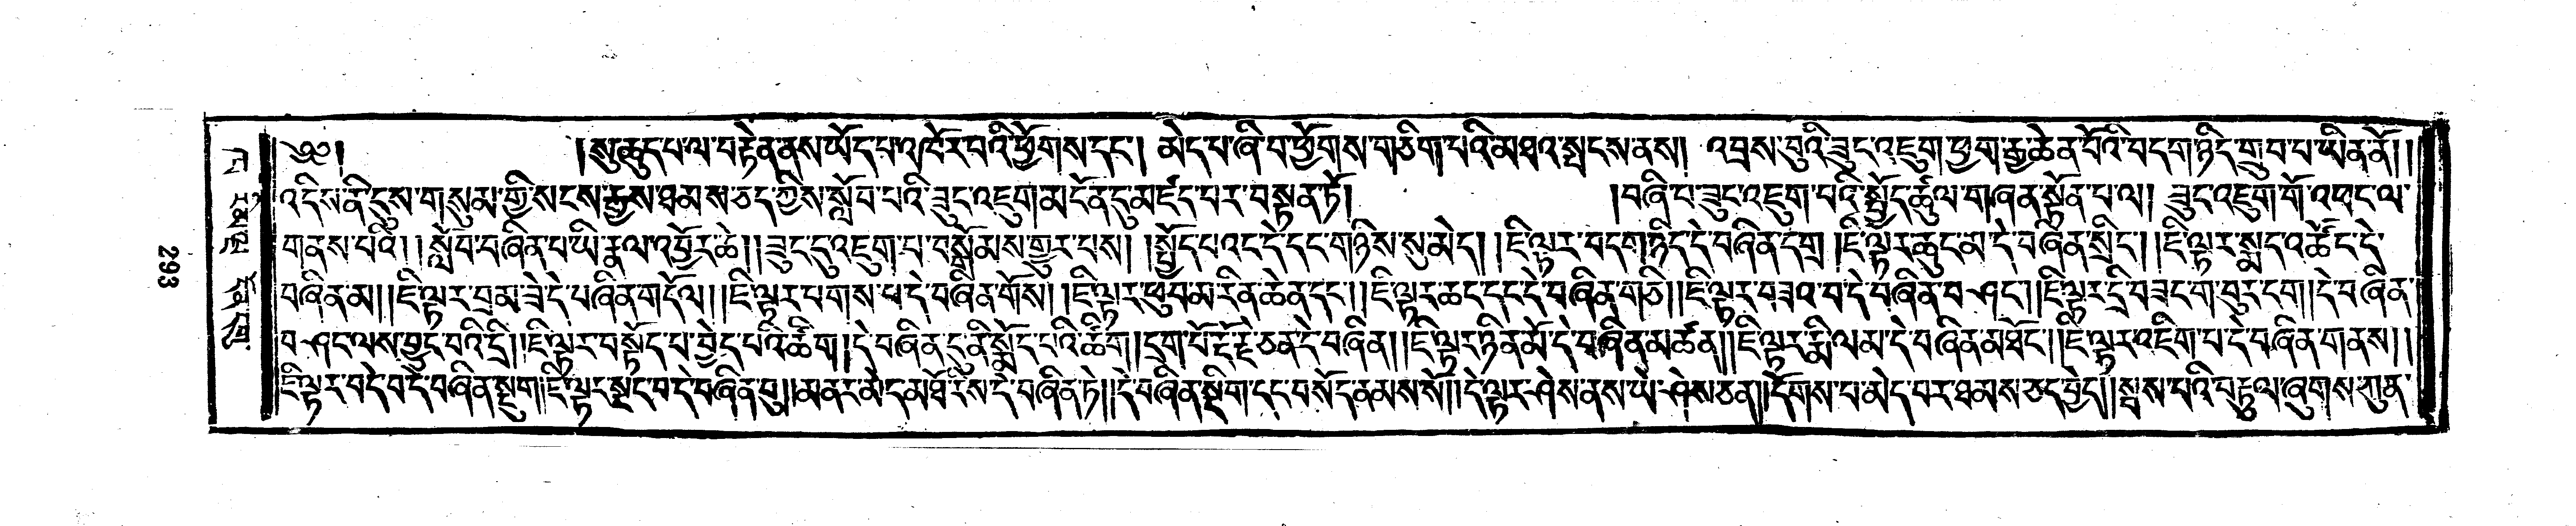༄༅། །སུ་ཆུད་པ་ལ་བརྟེན་ནས་ཡོད་པ་འཁོར་བའི་ཕྱོགས་དང་། མེད་པ་ཞི་པ་ཕྱོགས་གཅིག་པའི་མཐའ་སྤངས་ནས། འབྲས་བུའི་ཟུང་འཇུག་ཕྱག་རྒྱ་ཆེན་པོའི་བདག་ཉིད་གྲུབ་པ་ཡིན་ནོ།།
འདིས་ནི་དུས་གསུམ་གྱི་སངས་རྒྱས་ཐམས་ཅད་ཀྱིས་སློབ་པའི་ཟུང་འཇུག་མངོན་དུ་མཛད་པར་བསྟན་ཏོ། །བཞི་པ་ཟུང་འཇུག་པའི་སྤྱོད་ཚུལ་གཞན་སྟོན་པ་ལ། ཟུང་འཇུག་གོ་འཕང་ལ་
གནས་པའི། །སློབ་བཞིན་པ་ཡི་རྣལ་འབྱོར་ཆེ། །ཟུང་དུ་འཇུག་པ་བསྒོམས་གྱུར་བས། །སྤྱོད་པའང་དེ་དང་གཉིས་སུ་མེད། །ཇི་ལྟར་བདག་ཉིད་དེ་བཞིན་དགྲ། ཇི་ལྟར་ཆུང་མ་དེ་བཞིན་སྲིང་། །ཇི་ལྟར་སྨད་འཚོང་དེ་
བཞིན་མ། །ཇི་ལྟར་བྲམ་ཟེ་དེ་བཞིན་གདོལ། །ཇི་ལྟར་བགས་པ་དེ་བཞིན་གོས། །ཇི་ལྟར་ཕུབ་མ་རིན་ཆེན་དང་། །ཇི་ལྟར་ཆད་དང་དེ་བཞིན་གཅི། །ཇི་ལྟར་བཟའ་བ་དེ་བཞིན་བཤད། །ཇི་ལྟར་དྲི་བཟང་ག་བུར་དག །དེ་བཞིན་
བཤད་ལས་བྱུང་བའི་དྲི། །ཇི་ལྟར་བསྟོད་པ་བྱེད་པའི་ཚིག །དེ་བཞིན་དུ་ནི་སྨོད་པའི་ཚིག །དྲག་པོ་རྡོ་རྗེ་ཅན་དེ་བཞིན། །ཇི་ལྟར་ཉིན་མོ་དེ་བཞིན་མཚན། །ཇི་ལྟར་རྨི་ལམ་དེ་བཞིན་མཐོང་། །ཇི་ལྟར་འཇིག་པ་དེ་བཞིན་གནས། །
ཇི་ལྟར་བདེ་བ་དེ་བཞིན་སྡུག །ཇི་ལྟར་སྡང་བ་དེ་བཞིན་དུ། །མནར་མེད་མཐོ་རིས་དེ་བཞིན་ཏེ། །དེ་བཞིན་སྡིག་དང་བསོད་ནམས་སོ། །དེ་ལྟར་ཤེས་ནས་ཡེ་ཤེས་ཅན། །དོགས་པ་མེད་པར་ཐམས་ཅད་བྱེད། །སྦས་པའི་བརྟུལ་ཞུགས་ཀུན་